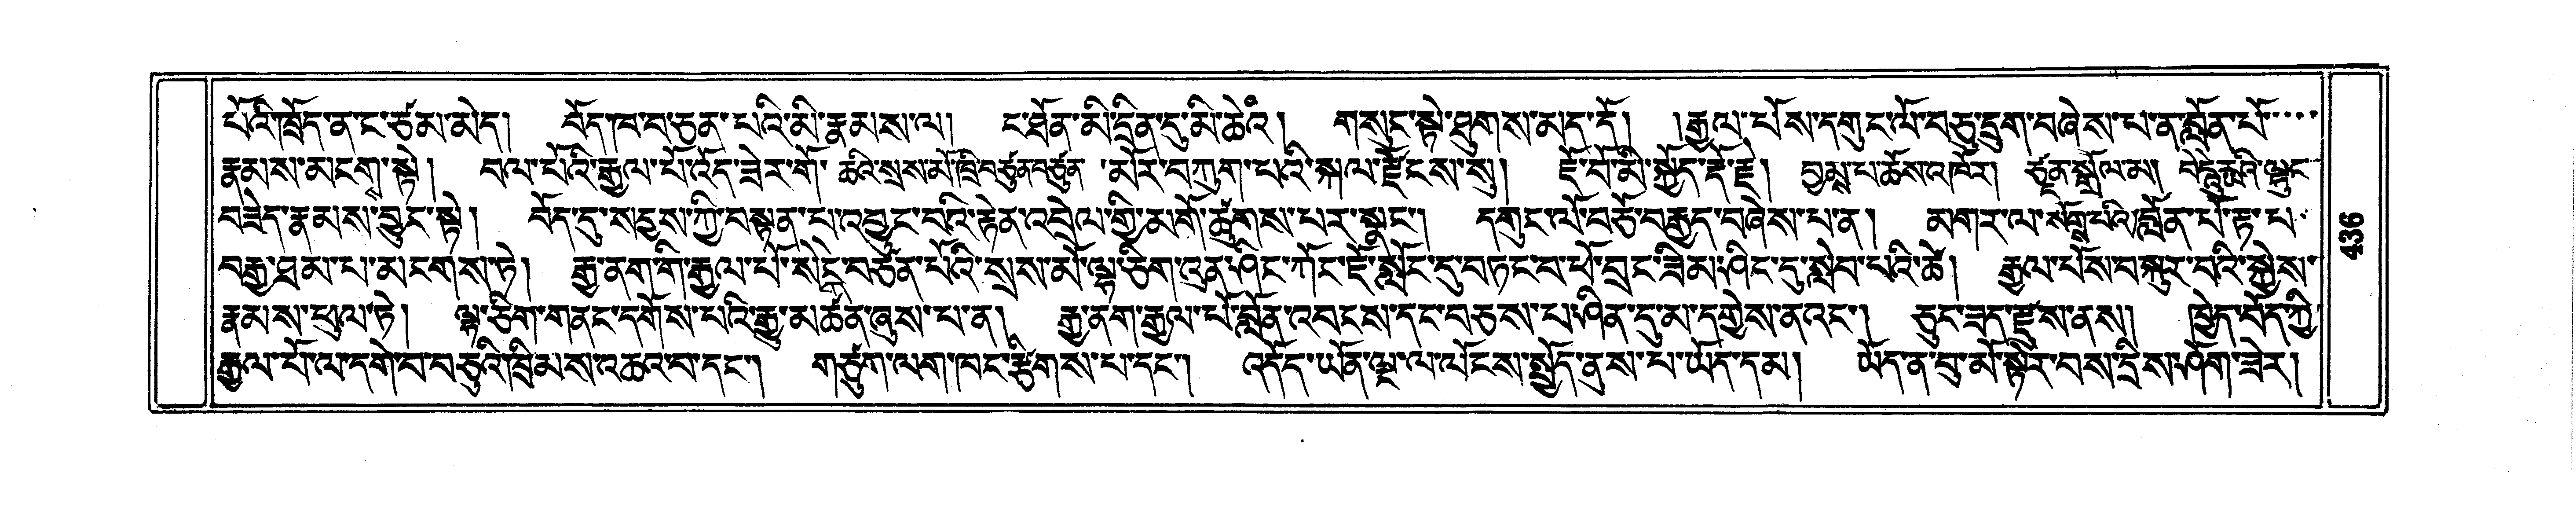པོའི་ཁྲོད་ན་ང་ཙམ་མེད། བོད་ཁ་བ་ཅན་པའི་མི་རྣམས་ལ། ང་ཐོན་མི་དྲིན་དུ་མི་ཆེའཾ། གསུང་སྟེ་ཐུགས་མད་དོ། །རྒྱལ་པོས་དགུང་ལོ་བཅུ་དྲུག་བཞེས་པ་ན་བློན་པོ་
རྣམས་མངགས་སྟེ། བལ་པོའི་རྒྱལ་པོ་འོད་ཟེར་གོ་ཆའི་སྲས་མོ་ཁྲི་བཙུན་བཙུན་མོར་བཀུག་པའི་སྐལ་རྫོངས་སུ། ཇོ་བོ་མི་སྐྱོད་རྡོ་རྗེ། བྱམས་པ་ཆོས་འཁོར། ཙདན་སྒྲོལ་མ། བེདཱུཨེརྱའི་ལྷུང་
བཟེད་རྣམས་བྱུང་སྟེ། བོད་དུ་སདྱས་ཀྱི་བསྟན་པ་འབྱུང་བའི་རྟེན་འབྲེལ་གྱི་མགོ་ཚུགས་པར་སྣང་། དགུང་ལོ་བཅོ་བརྒྱད་བཞེས་པ་ན། མགར་ལ་སོགས་པའི་བློན་པོ་རྟ་པ་
བརྒྱ་ཐམ་པ་མངགས་ཏེ། རྒྱ་ནག་གི་རྒྱལ་པོ་སེངྒེ་བཙན་པོའི་སྲས་མོ་ལྷ་ཅིག་འུན་ཤིང་ཀོང་ཇོ་སློང་དུ་བཏང་བ་ཕོ་བྲང་ཟིམ་ཤིང་དུ་སླེབ་པའི་ཚེ། རྒྱལ་པོས་བསྐུར་བའི་སྐྱེས་
རྣམས་ཕུལ་ཏེ། ལྷ་ཅིག་གནང་དགོས་པའི་རྒྱུ་མཚན་ཞུས་པ་ན། རྒྱ་ནག་རྒྱལ་པོ་བློན་འབངས་དང་བཅས་པ་ཤིན་དུ་མ་དགྱེས་ནའང་། ཅུང་ཟད་རྫུས་ནས། ཁྱེད་བོད་ཀྱི་
རྒྱལ་པོ་ལ་དགེ་བ་བཅུའི་ཁྲིམས་འཆའ་བ་དང་། གཙུག་ལག་ཁང་རྩིགས་པ་དང་། འདོད་ཡོན་ལྔ་ལ་ལོངས་སྤྱོད་ནུས་པ་ཡོད་དམ། ཡོད་ན་བུ་མོ་སྟེར་བས་དྲིས་ཤོག་ཟེར།